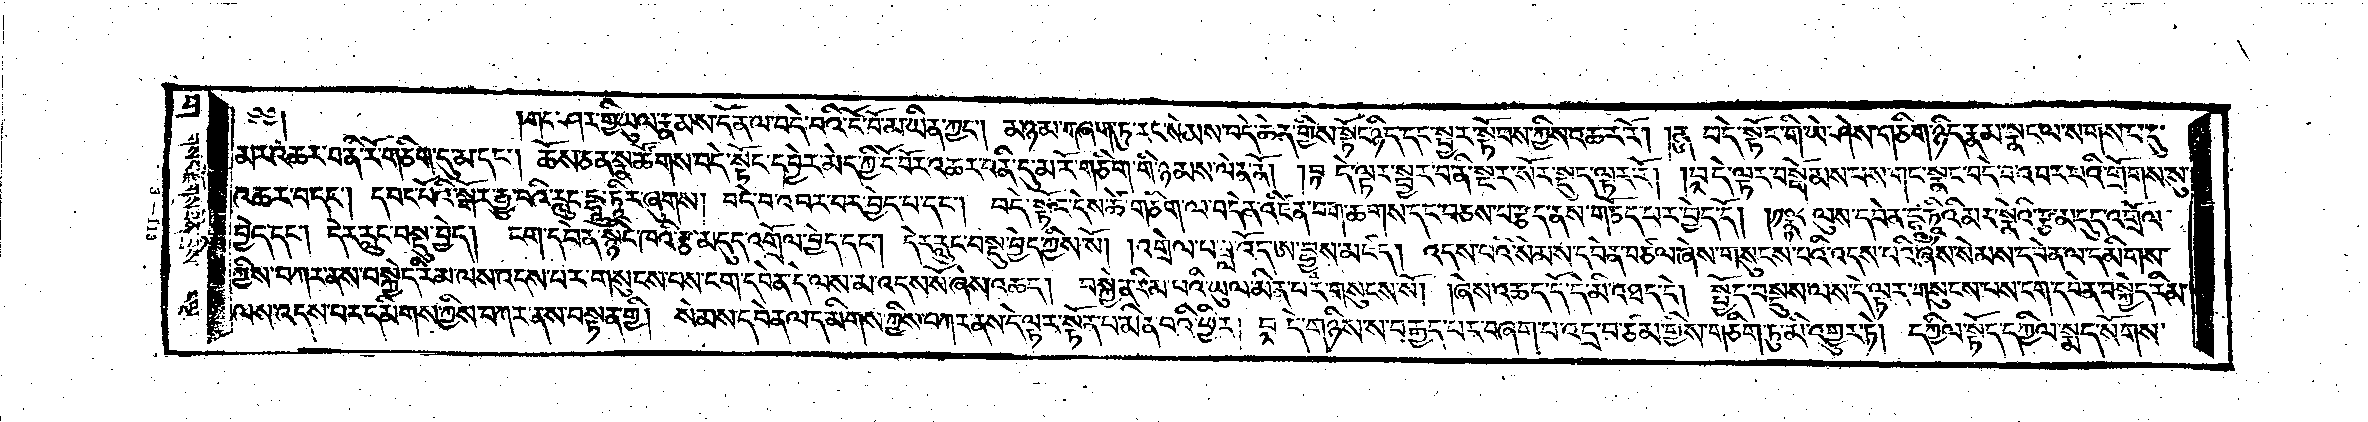༄༅། །གང་ཤར་གྱི་ཡུལ་རྣམས་དོན་ལ་བདེ་བའི་ངོ་བོ་མ་ཡིན་ཀྱང་། མཉམ་གཞག་ཏུ་རང་སེམས་བདེ་ཆེན་གྱིས་སྟོང་ཉིད་དང་སྦྱར་སྟོབས་ཀྱིས་འཆར་རོ། །ན་བདེ་སྟོང་གི་ཡེ་ཤེས་གཅིག་ཉིད་རྣམ་སྣང་ལ་སོགས་པ་དུ་
མར་འཆར་བ་ནི་རོ་གཅིག་དུ་མ་དང་། ཆོས་ཅན་སྣ་ཚོགས་བདེ་སྟོང་དབྱེར་མེད་ཀྱི་ངོ་བོར་འཆར་བ་ནི་དུ་མ་རོ་གཅིག་གི་ཉམས་ལེན་ནོ། །བ་དེ་ལྟར་སྦྱར་བ་ནི་སྔར་སོར་སྡུད་ལྟར་རོ། །བ༢་དེ་ལྟར་བསྒོམས་པས་གང་སྣང་བདེ་བ་འབར་བའི་གྲོགས་སུ་
འཆར་བ་དང་། དབང་པོའི་སྒོར་རྒྱུ་བའི་རླུང་དྷཱུ་ཏཱིར་ཞུགས། བདེ་བ་འབར་བར་བྱེད་པ་དང་། བདེ་སྟོང་དེས་ཚེ་གཅིག་ལ་བདེན་འཛིན་བག་ཆགས་དང་བཅས་པ་རྩད་ནས་གཅོད་པར་བྱེད་དོ། །༡༠༨་ལུས་དབེན་དྷཱུ་ཏཱིཨཱི་མར་སྣེའི་རྩ་མདུད་འགྲོལ་
བྱེད་དང་། དེར་རླུང་བསྡུ་བྱེད། ངག་དབེན་སྙིང་ཁའི་རྩ་མདུད་འགྲོལ་བྱེད་དང་། དེར་རླུང་བསྡུ་བྱེད་ཀྱིས་སོ། །འགྲེལ་པ་ཟླ་འོད་ཨ་བྷྱཱས་མཛད། འདས་པའི་སེམས་དབེན་བཙལ་ཞེས་གསུངས་པའི་འདས་པའི་ཞེས་སེམས་དབེན་ལ་དམིགས་
ཀྱིས་བཀར་ནས་བསྐྱེད་རིམ་ལས་འདས་པར་གསུངས་བས་ངག་དབེན་དེ་ལས་མ་འདས་སོ་ཞེས་འཆད། བསྐྱེན་རིམ་པའི་ཡུལ་མིན་པར་གསུངས་སོ། །ཞེས་འཆད་དོ་དེ་མི་འཐད་དེ། སྤྱོད་བསྡུས་ལས་དེ་ལྟར་གསུངས་པས་ངག་དབེན་བསྐྱེད་རིམ་
ལས་འདས་བར་དམིགས་ཀྱིས་བཀར་ནས་བསྟན་གྱི། སེམས་དབེན་ལ་དམིགས་ཀྱིས་བཀར་ནས་དེ་ལྟར་སྟོན་པ་མིན་བའི་ཕྱིར། བ་དེ་གཉིས་ས་བརྒྱད་པར་བཞག་པ་འདྲ་བ་ཙམ་གྱིས་གཅིག་ཏུ་མི་འགྱུར་ཏེ། དཀྱིལ་སྟོད་དཀྱིལ་སྨད་སོགས་